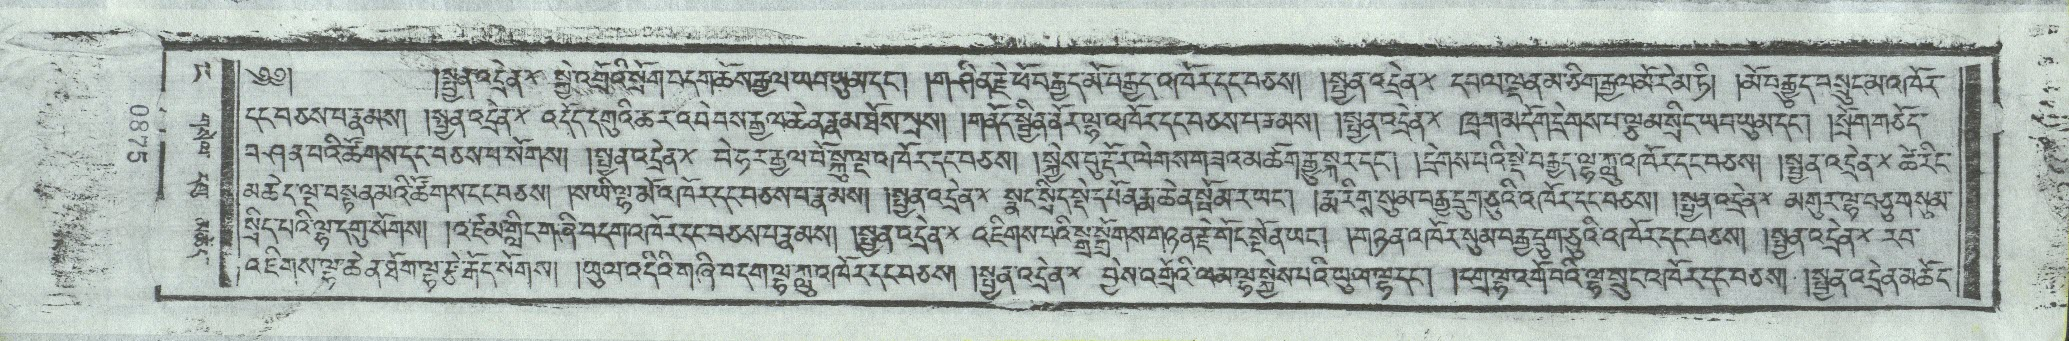༄༅། །སྤྱན་འདྲེན་྾་སྐྱེ་འགྲོའི་སྲོག་བདག་ཆོས་རྒྱལ་ཡབ་ཡུམ་དང་། །གཤིན་རྗེ་ཕོ་བརྒྱད་མོ་བརྒྱད་འཁོར་དང་བཅས། །སྤྱན་འདྲེན་྾། དཔལ་ལྡན་མ་ཅིག་རྒྱལ་མོ་རེ་མ་ཏི། །མོ་བརྒྱད་བསྲུང་མ་འཁོར་
དང་བཅས་པ་རྣམས། །སྤྱན་འདྲེན་྾་འདོད་དགུའི་ཆར་འབེབས་རྒྱལ་ཆེན་རྣམ་ཐོས་སྲས། །གནོད་སྦྱིན་ནོར་ལྷ་འཁོར་དང་བཅས་པ་ཟམས། །སྤྱན་འདྲེན་྾། ཁྲག་མདོག་དྲེགས་པ་ལྕམ་སྲིང་ཡབ་ཡུམ་དང་། །སྲོག་གཅོད་
བཤན་པའི་ཚོགས་དང་བཅས་པ་སོགས། །སྤྱན་འདྲེན་྾། བེ་ཧར་རྒྱལ་པོ་སྐུ་ལྔ་འཁོར་དང་བཅས། །སྐྱེས་བུ་རྡོར་ལེགས་གཟའ་མཆོག་རྒྱུ་སྐར་དང་། །དྲེགས་པའི་སྡེ་བརྒྱད་ལྷ་ཀླུ་འཁོར་དང་བཅས། །སྤྱན་འདྲེན་྾་ཚེ་རིང་
མཆེད་ལྔ་བསྟན་མའི་ཚོགས་དང་བཅས། །ས་ཡི་ལྷ་མོ་འཁོར་དང་བཅས་པ་རྣམས། །སྤྱན་འདྲེན་྾་སྣང་སྲིད་སྡེ་དཔོན་རྨ་ཆེན་སྤོམ་ར་ཡང་། །རྨ་རིགས་སུམ་བརྒྱ་དྲུག་ཅུའི་འཁོར་དང་བཅས། །སྤྱན་འདྲེན་྾་མགུར་ལྷ་བཅུ་གསུམ་
སྲིད་པའི་ལྷ་དགུ་སོགས། །འཛམ་གླིང་གཞི་བདག་འཁོར་དང་བཅས་པ་རྣམས། །སྤྱན་འདྲེན་྾་འཇིགས་པའི་སྒྲ་སྒྲོགས་གཉན་རྗེ་གོང་སྔོན་ཡང་། །གཉན་འཁོར་སུམ་བརྒྱ་དྲུག་ཅུའི་འཁོར་དང་བཅས། །སྤྱན་འདྲེན་྾་རབ་
འཇིགས་ལྷ་ཆེན་ཐོག་ལྷ་རྩེ་རྒོད་སོགས། །ཡུལ་འདིའི་གཞི་བདག་ལྷ་ཀླུ་འཁོར་དང་བཅས། །སྤྱན་འདྲེན་྾་བྱེས་འགྲོའི་ལམ་ལྷ་སྐྱེས་པའི་ཡུལ་ལྷ་དང་། །དགྲ་ལྷ་འགོ་བའི་ལྷ་སྲུང་འཁོར་དང་བཅས། །སྤྱན་འདྲེན་མཆོང་